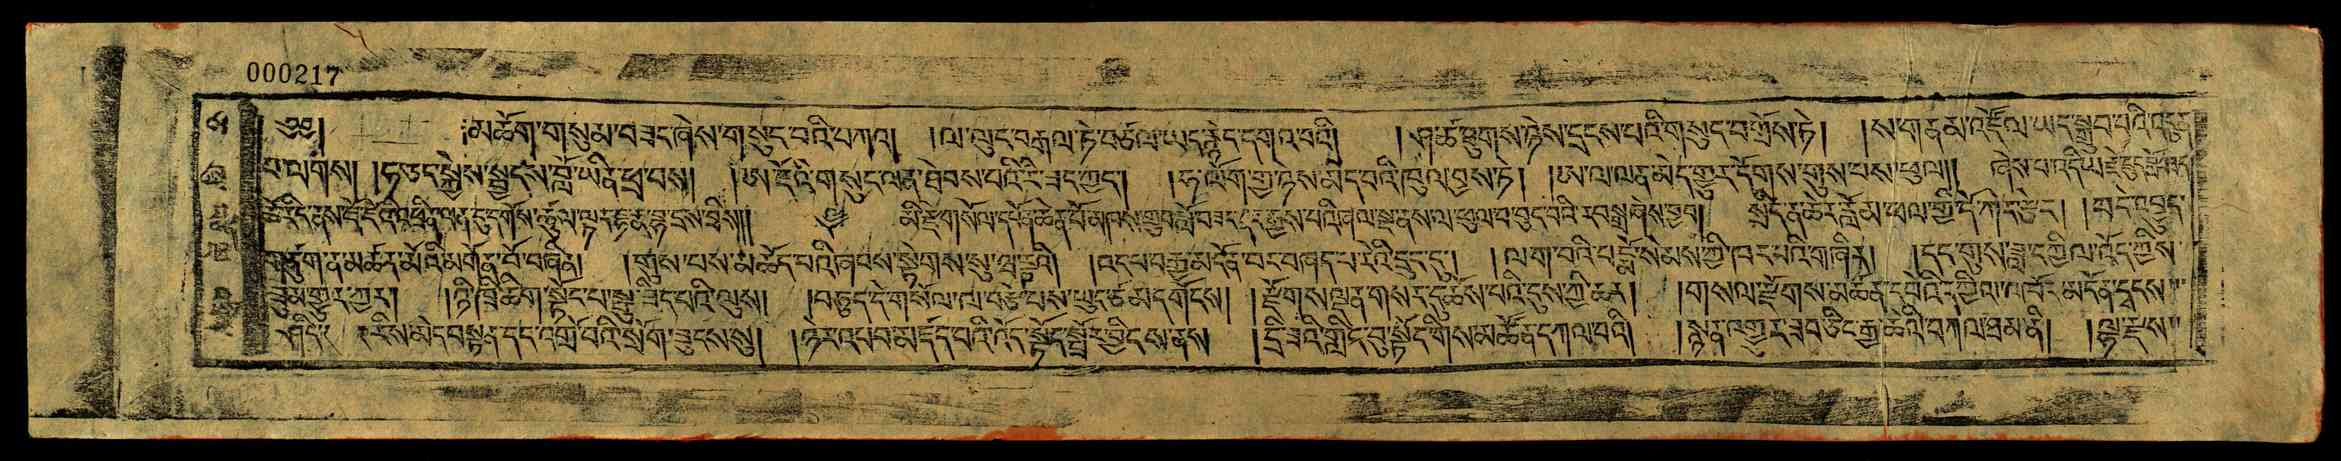༄༅། །མཆོག་གསུམ་བཟང་ཞེས་གསུང་པའི་བཀའ། །ལ་ལུང་བརྒལ་ཏེ་བཙལ་ཡང་རྙེད་དཀའ་བའི། །ཤ་ཚ་ཐུགས་ཉེས་དྲངས་པའི་གསུང་བགྲོས་ཏེ། །ས་གནམ་འཛོལ་ཡང་སྒྲུབ་པའི་འདུན་
པ་ལགས། །ཧ་ཅང་སྐྱེས་སྦྱངས་བློ་ཡིན་ཕྲ་བས། །ཨ་ཇོའི་གསུང་ལན་ཐེབས་པའི་རེ་ཟད་ཀྱང་། །ཧ་ལོག་གྱ་ཉེས་མེད་པའི་ཁུལ་བྱས་ཏེ། །ཨ་ལ་ལན་མེད་གྱུར་དོགས་གུས་པས་ཕུལ།། ཞེས་པ་འདི་ཡང་ཇེ་དྲུང་བློ་བཟང་
ཚེ་རིང་ནས་ཇོ་ཇོའི་འཕྲིན་ལན་དུ་དགོས་ཚུལ་ལྟར་དྷརྨ་བྷ་དྲས་བྲིས།། འ་།མི་རྗེ་གསོལ་དཔོན་ཆེན་པོ་མཁས་གྲུབ་བློ་བཟང་དར་རྒྱས་པའི་ཞལ་སྔ་ནས་ལ་ཕུལ་བ་བུང་བའི་རང་སྒྲ་ཞེས་བྱ་བ། སྲིད་ན་ཆེར་རློམ་ཕལ་གྱི་དོ་ཀེ་བརྩེར། །བདེ་འབྱུང་
གཙུག་ན་མཚན་མོའི་མགོན་བོ་བཞིན། །གུས་པས་མཆོད་པའི་ཞབས་སྟེགས་སུ་ཝ་རྞའི། །འདབ་བརྒྱ་མངོན་པར་བཞད་པ་དེའི་དྲུང་དུ། །ལག་པའི་པདམོ་སེམས་ཀྱི་ཁང་པའི་གཞིར། །དད་གུས་ཟླ་དཀྱིལ་འོད་ཀྱིས་
ཟུམ་གྱུར་ཀྱང་། །ཉི་ཁྲི་ཆིག་སྟོང་བ་སྤུ་ཟིང་པའི་ལུས། །བཏུད་དེ་གསོལ་ལ་བརྩེ་བས་ལུང་ཙམ་དགོངས། །རྫོགས་ལྡན་གསར་དུ་ཚེས་པའི་དུས་ཀྱི་ཆར། །གསལ་རྫོགས་མཚན་དཔེའི་དཀྱིལ་འཁོར་མངོན་དྭངས་
ཤིང༑ ༑རིས་མེད་བསྟན་དང་འགྲོ་བའི་སྲོག་ཟུངས་སུ། །ཉེར་འབའ་མཛད་པའི་འོད་སྟོང་སྤྲོ་དབྱིངས་ནས། །དྲི་ཟའི་གླིང་བུ་སྟོང་གིས་མཚོན་དཀའ་བའི། །སྙན་འགྱུར་ཟབ་ཅིང་རྒྱ་ཆེའི་བཀའ་ཐམ་ནི། །ལྷ་རྫས་